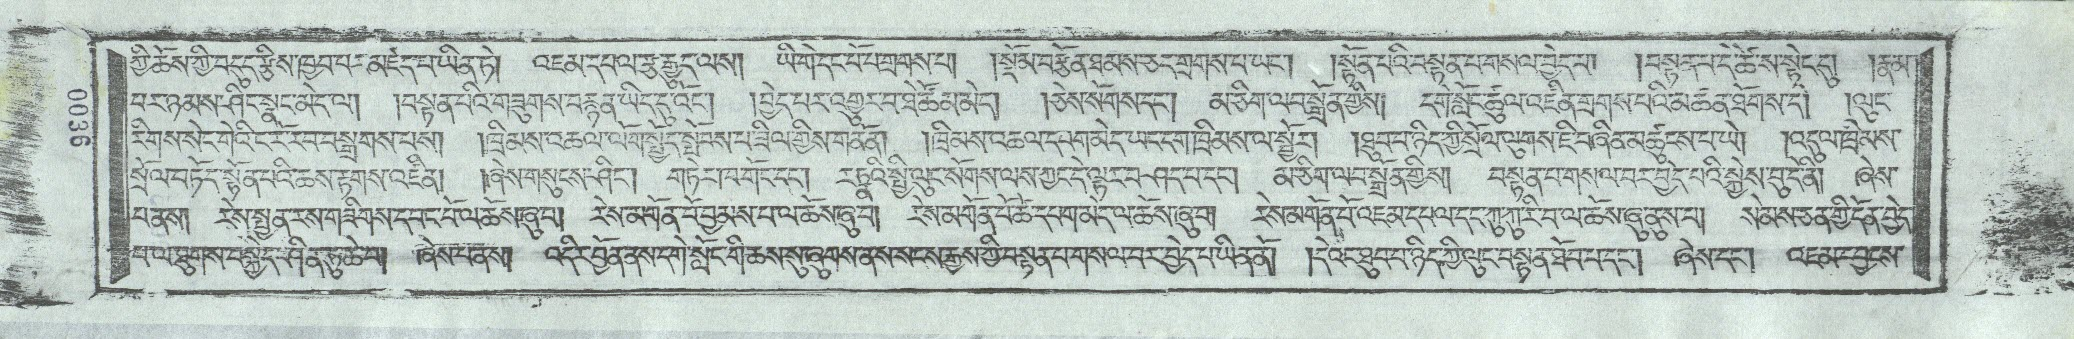ཀྱི་ཆོས་ཀྱི་བདུད་རྩིས་ཁྱབ་པར་མཛད་པ་ཡིན་ཏེ། འཇམ་དཔལ་རྩ་རྒྱུད་ལས། ཡི་གེ་དང་པོ་བགྲགས་པ། །སྡོམ་བརྩོན་ཐམས་ཅད་གྲགས་པ་ཡང་། །སྟོན་པའི་བསྟན་པ་གསལ་བྱེད་པ། །བསྟན་པ་དེ་ཚེ་ས་སྟེང་དུ། །རྣམ་
པར་ཉམས་ཤིང་སྣང་མེད་ལ། །བསྟན་པའི་གཟུགས་བརྙན་ཡིད་དུ་འོང་། །བྱེད་པར་འགྱུར་བྠེ་ཚོམ་མེད། །ཅེས་སོགས་དང་། མ་ཅིག་ལབ་སྒྲོན་གྱིས། དགེ་སློང་ཚུལ་འཛིན་གྲགས་པའི་མཚན་ཐོགས་དེ། །ལུང་
རིགས་སེང་གེའི་ང་རོ་རབ་བསྒྲགས་པས། །ཁྲིམས་འཆལ་ལོག་སྤྱོད་སྤོབས་པ་ཟིལ་གྱིས་གནོན། །ཁྲིམས་འཆལ་དཔག་མེད་ཡང་དག་ཁྲིམས་ལ་སྦྱོར། །ཐུབ་པ་ཉིད་ཀྱི་སྲོལ་ལུགས་ཇི་བཞིན་མཚུངས་པ་ཡེ། །འདུལ་ཁྲིམ་
སྲོལ་བཏོད་སྟོན་པའི་ཆས་རྟགས་འཛིན། །ཞེས་གསུངས་ཤིང་། གཏེར་ཁ་གོང་དང་། རཏྣའི་སྤྱི་ལུང་སོགས་ལས་ཀྱང་དེ་ལྟར་བཤད་པ་དང་། མ་ཅིག་ལབ་སྒྲོན་གྱིས། བསྟན་པ་གསལ་བར་བྱེད་པའི་སྐྱེས་བུ་དེ་ནི། ཞེས་
པ་ནས། རེས་སྤྱན་རས་གཟིགས་དབང་པོ་ལ་ཆོས་ཞུབ། རེས་མགོན་པོ་བྱམས་པ་ལ་ཆོས་ཞུབ། རེས་མགོན་པོ་ཚེ་དཔག་མེད་ལ་ཆོས་ཞུབ། རེས་མགོན་པོ་འཇམ་དཔལ་དང་ཀུ་ཀུ་རི་བ་ལ་ཆོས་ཞུ་ནུས་པ། སེམས་ཅན་གྱི་དོན་བྱེད་
པ་ལ་ཐུགས་བསྐྱེད་ཤིན་ཏུ་ཆེ་བ། ཞེས་པ་ནས། འདིར་བྱོན་ནས་དགེ་སློང་གི་ཆས་སུ་ཞུགས་ནས་སངས་རྒྱས་ཀྱི་བསྟན་པ་གསལ་བར་བྱེད་པ་ཡིན་ནོ། །དེའང་ཐུབ་པ་ཉིད་ཀྱི་ལུང་བསྟན་ཐོབ་པ་དང་། ཞེས་དང་། འཇམ་དབྱངས་